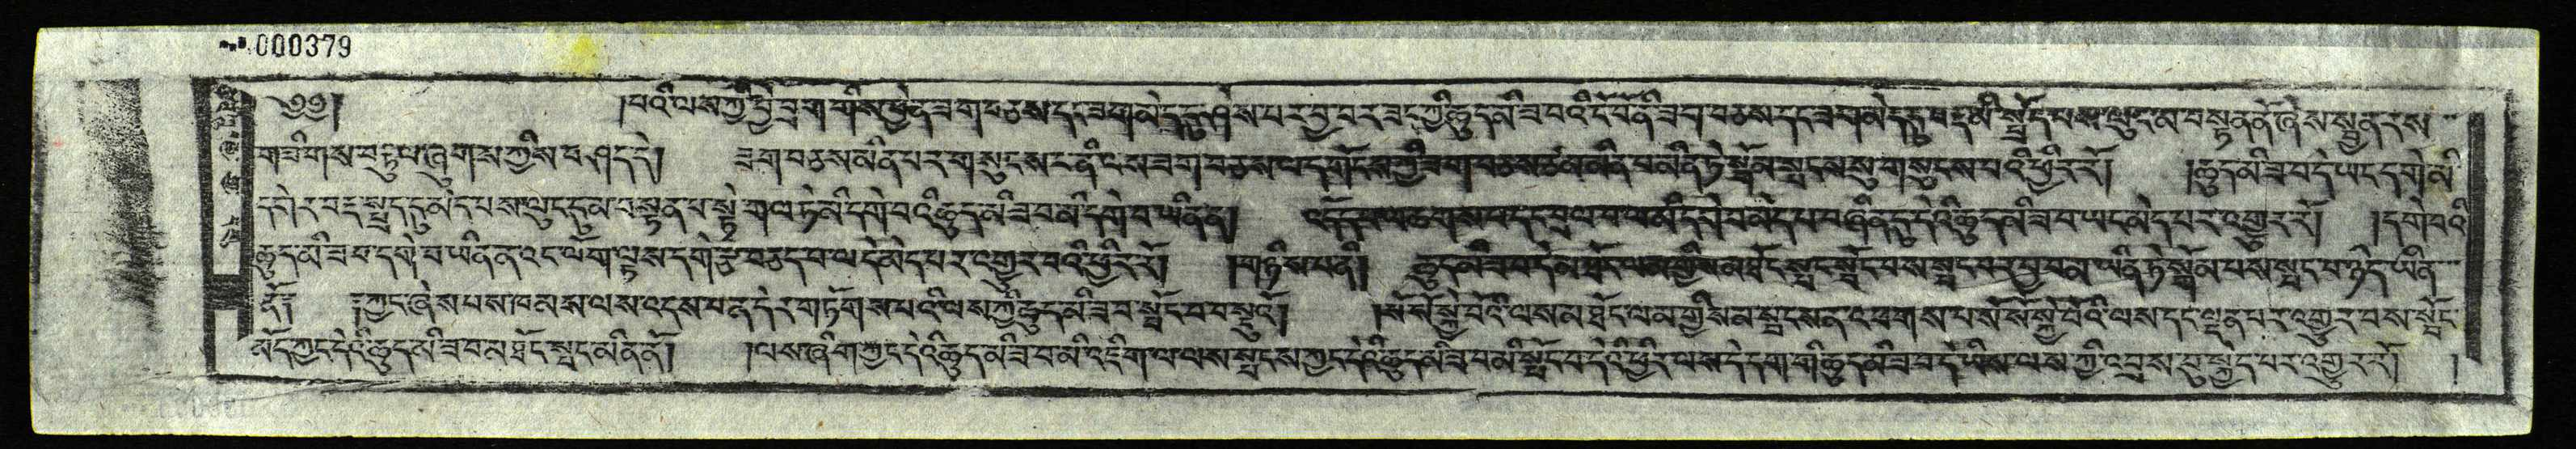༄༅། །པའི་ལས་ཀྱི་བྱེ་བྲག་གིས་ཕྱེ་ན་ཟག་བཅས་དང་ཟག་མེད་དུ་ཤེས་པར་བྱ་བར་ཟད་ཀྱི་ཆུད་མི་ཟ་བའི་ངོ་བོ་ནི་ཟག་བཅས་དང་ཟག་མེད་དུ་བརྡ་མི་སྤྲོད་པས་ལུང་མ་བསྟན་ནོ་ཞེས་སྤྱན་རས་
གཟིགས་བརྟུལ་ཞུགས་ཀྱིས་བཤད་དེ། ཟག་བཅས་མིན་པར་གསུངས་པ་ནི་ལས་ཟག་བཅས་ལ་དགོངས་ཀྱི་ཟག་བཅས་ཙམ་མིན་པ་མིན་ཏེ་སྒོམ་སྤངས་སུ་གསུངས་པའི་ཕྱིར་རོ། །ཆུད་མི་ཟ་བ་དེ་ཡང་དགེ་མི་
དགེར་བརྡ་སྤྲད་དུ་མེད་པས་ལུང་དུ་མ་བསྟན་པ་སྟེ་གལ་ཏེ་མི་དགེ་བའི་ཆུད་མི་ཟབ་མི་དགེ་བ་ཡིན་ན། འདོད་པ་ལ་ཆགས་པ་དང་བྲལ་བ་ལ་མི་དགེ་བ་མེད་པ་བཞིན་དུ་དེའི་ཆུད་མི་ཟ་བ་ཡང་མེད་པར་འགྱུར་རོ། །དགེ་བའི་
ཆུད་མི་ཟ་བ་དགེ་བ་ཡིན་ནའང་ལོག་ལྟས་དགེ་རྩ་བཅད་པ་ལ་དེ་མེད་པར་འགྱུར་བའི་ཕྱིར་རོ། །གཉིས་པ་ནི། ཆུད་མི་ཟ་བ་དེ་མཐོང་ལམ་གྱིས་མཐོང་སྤང་སྤོང་བས་སྤང་བར་བྱ་བ་མ་ཡིན་ཏེ་སྒོམ་པས་སྤང་པ་ཉིད་ཡིན་
ནོ༑ ༑ཀྱང་ཞེས་པས་ཁམས་ལས་འདས་པ་ན་དེར་གཏོགས་པའི་ལས་ཀྱི་ཆུད་མི་ཟ་བ་སྤོང་བ་བསྡུའོ། །སོ་སོ་སྐྱེ་བོའི་ལས་མཐོང་ལམ་གྱིས་མ་སྤངས་ན་འཕགས་པ་སོ་སོ་སྐྱེ་བོའི་ལས་དང་ལྡན་པར་འགྱུར་བས་སྤོང་
མདོ་ཀྱང་དེའི་ཆུད་མི་ཟ་བ་མཐོང་སྤང་མིན་ནོ། །ལས་ཞིག་ཀྱང་དེའི་ཆུད་མི་ཟ་བ་མི་འཇིག་ལ་ལས་སྤངས་ཀྱང་དེའི་ཆུད་མི་ཟ་བ་མི་སྤོང་བ་དེའི་ཕྱིར་ལས་དེ་དག་གི་ཆུད་མི་ཟ་བ་དེ་ཡིས་ལས་ཀྱི་འབྲས་བུ་སྐྱེད་པར་འགྱུར་རོ། །